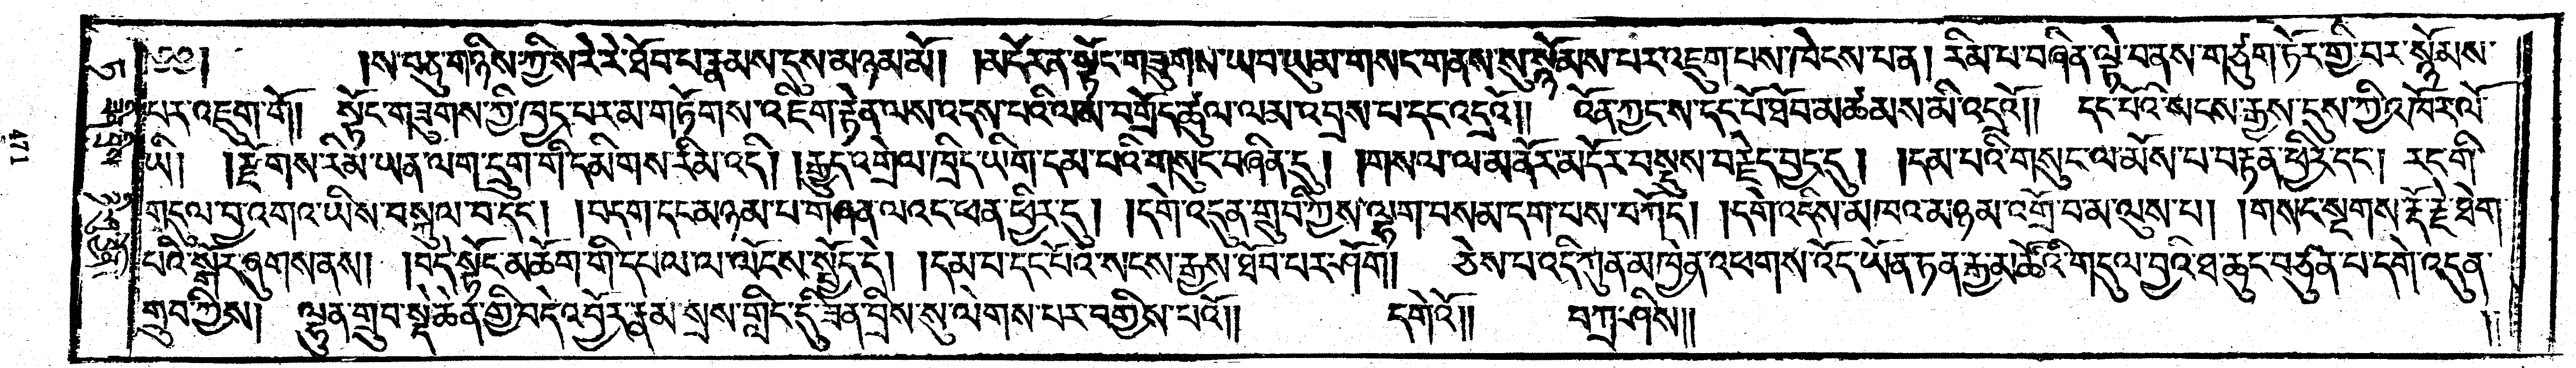༄༅། །ས་བཅུ་གཉིས་ཀྱི་ས་རེ་རེ་ཐོབ་པ་རྣམས་དུས་མཉམ་མོ། །མདོར་ན་སྟོང་གཟུགས་ཡབ་ཡུམ་གསང་གནས་སུ་སྙོམས་པར་འཇུག་པས་ཁེངས་པ་ན། རིམ་པ་བཞིན་ལྟེ་བ་ནས་གཙུག་ཏོར་གྱི་བར་སྙོམས་
པར་འཇུག་གོ། སྟོང་གཟུགས་ཀྱི་ཁྱད་པར་མ་གཏོགས་འཇིག་རྟེན་ལས་འདས་པའི་ལམ་བགྲོད་ཚུལ་ལམ་འབྲས་པ་དང་འདྲའོ། འོན་ཀྱང་དང་པོ་ཐོབ་མཚམས་མི་འདྲའོ། །དང་པོའི་སངས་རྒྱས་དུས་ཀྱི་འཁོར་ལོ་
ཡི། །རྫོགས་རིམ་ཡན་ལག་དྲུག་གི་དམིགས་རིམ་འདི། །རྒྱུད་འགྲེལ་ཁྲིད་ཡིག་དམ་པའི་གསུང་བཞིན་དུ། །གསལ་ལ་མ་ནོར་མདོར་བསྡུས་བརྗེད་བྱང་དུ། །དམ་པའི་གསུང་ལ་མོས་པ་བརྟན་ཕྱིར་དང་། རང་གི་
གདུལ་བྱ་འགའ་ཡིས་བསྐུལ་བ་དང་། །བདག་དང་མཉམ་པ་གཞན་ལ་འང་ཕན་ཕྱིར་དུ། །དགེ་འདུན་གྲུབ་ཀྱིས་ལྷག་བསམ་དག་པས་བཀོད། །དགེ་འདིས་མཁའ་མཉམ་འགྲོ་བ་མ་ལུས་པ། །གསང་སྔགས་རྡོ་རྗེ་ཐེག་
པའི་སྒོར་ཞུགས་ནས། །བདེ་སྟོང་མཆོག་གི་དཔལ་ལ་ལོངས་སྤྱོད་དེ། །དམ་པ་དང་པོའི་སངས་རྒྱས་ཐོབ་པར་ཤོག། ཅེས་པ་འདི་ཀུན་མཁྱེན་འཕགས་འོད་ཡོན་ཏན་རྒྱ་མཚོའི་གདུལ་བྱའི་ཐ་ཆུང་བཙུན་པ་དགེ་འདུན་
གྲུབ་ཀྱིས། ལྷུན་གྲུབ་སྡེ་ཆེན་གྱི་བདེ་འབྱོར་རྣམ་སྲས་གླིང་དུ་ཟིན་བྲིས་སུ་ལེགས་པར་བགྱིས་པའོ།། དགེའོ།། བཀྲ་ཤིས།།